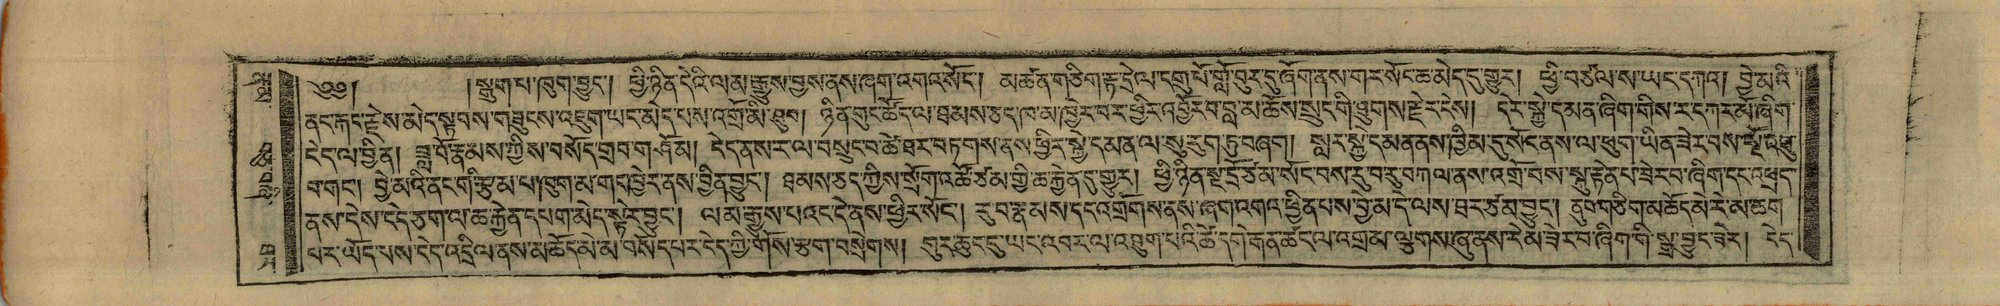༄༅། །སྒུག་པ་ཁུག་བྱུང་། ཕྱི་ཉིན་དེའི་ལམ་རྒྱུས་བྱས་ནས་ཞག་འགའ་སོང་། མཚན་གཅིག་རྟ་དྲེལ་དགུ་པོ་གློ་བུར་དུ་ཞོག་ནས་གར་སོང་ཆ་མེད་དུ་གྱུར། ཕྱི་བཙལ་ས་ཡང་དཀའ། བྱེ་མའི་
ནང་རྐང་རྗེས་མེད་སྟབས་གཟུངས་འཇུག་ཡང་མེད་པས་འགྲོ་མི་ཐུབ། ཉིན་གུང་ཚོད་ལ་ཐམས་ཅད་ཁ་མ་ཁྱེར་བར་ཕྱིར་འབྱོར་བ་བླ་མ་ཆོས་སྲུང་གི་ཐུགས་རྗེར་ངེས། དེར་སྐྱེ་དམན་ཞིག་གིས་ར་དཀར་མོ་ཞིག་
ངེད་ལ་བྱིན། ཟླ་བོ་རྣམས་ཀྱིས་བསོད་གྲབ་གཤོམ། ངེད་ནས་ར་ལ་བསྲུང་བ་ཚེ་ཐར་བཏགས་ནས་ཕྱིར་སྐྱེ་དམན་ལ་སུ་རུག་ཏུ་བཞག །སླར་སྐྱེ་དམན་ནས་ཁྱིམ་དུ་སོང་ནས་ལ་ཕུག་ཡིན་ཟེར་བས་སྔོ་འཐུ་
བ་གང་། བྱེ་མའི་ནང་གི་རྩམ་པ་ཁུག་མ་གང་ཁྱེར་ནས་བྱིན་བྱུང་། ཐམས་ཅད་ཀྱིས་སྲོག་འཚོ་ཙམ་གྱི་ཆ་རྐྱེན་དུ་གྱུར། ཕྱི་ཉིན་སྔ་དྲོ་ཙམ་སོང་བས་རུ་བ་རུ་བཀལ་ནས་འགྲོ་བས་སྐུ་རྟེན་པ་ཟེར་བ་ཞིག་དང་འཕྲད་
ནས་དེས་ངེད་ཅག་ལ་ཆ་རྐྱེན་དཔག་མེད་སྟེར་བྱུང་། ལམ་རྒྱུས་པའང་དེ་ནས་ཕྱིར་སོང་། རུ་བ་རྣམས་དང་འགྲོགས་ནས་ཞག་འགའ་ཕྱིན་པས་བྱེ་མ་དེ་ལས་ཐར་ཙམ་བྱུང་། ནུབ་གཅིག་མཆོད་མེ་རེ་མ་ཆག་
པར་ཡོད་པས་ངེད་འདྲིལ་ནས་མཆོད་མེ་མ་བསོད་པར་ངེད་ཀྱི་གོས་རྩག་བསྲེགས། གུར་ཆུང་དུ་ཡང་འབར་ལ་འཐུག་པའི་ཚེ་དགེ་རྒན་ཚང་ལ་འགྲམ་ལྕགས་ཞུ་ནས་རེམ་ཟེར་བ་ཞིག་གི་སྒྲ་བྱུང་ཟེར། ངེད་